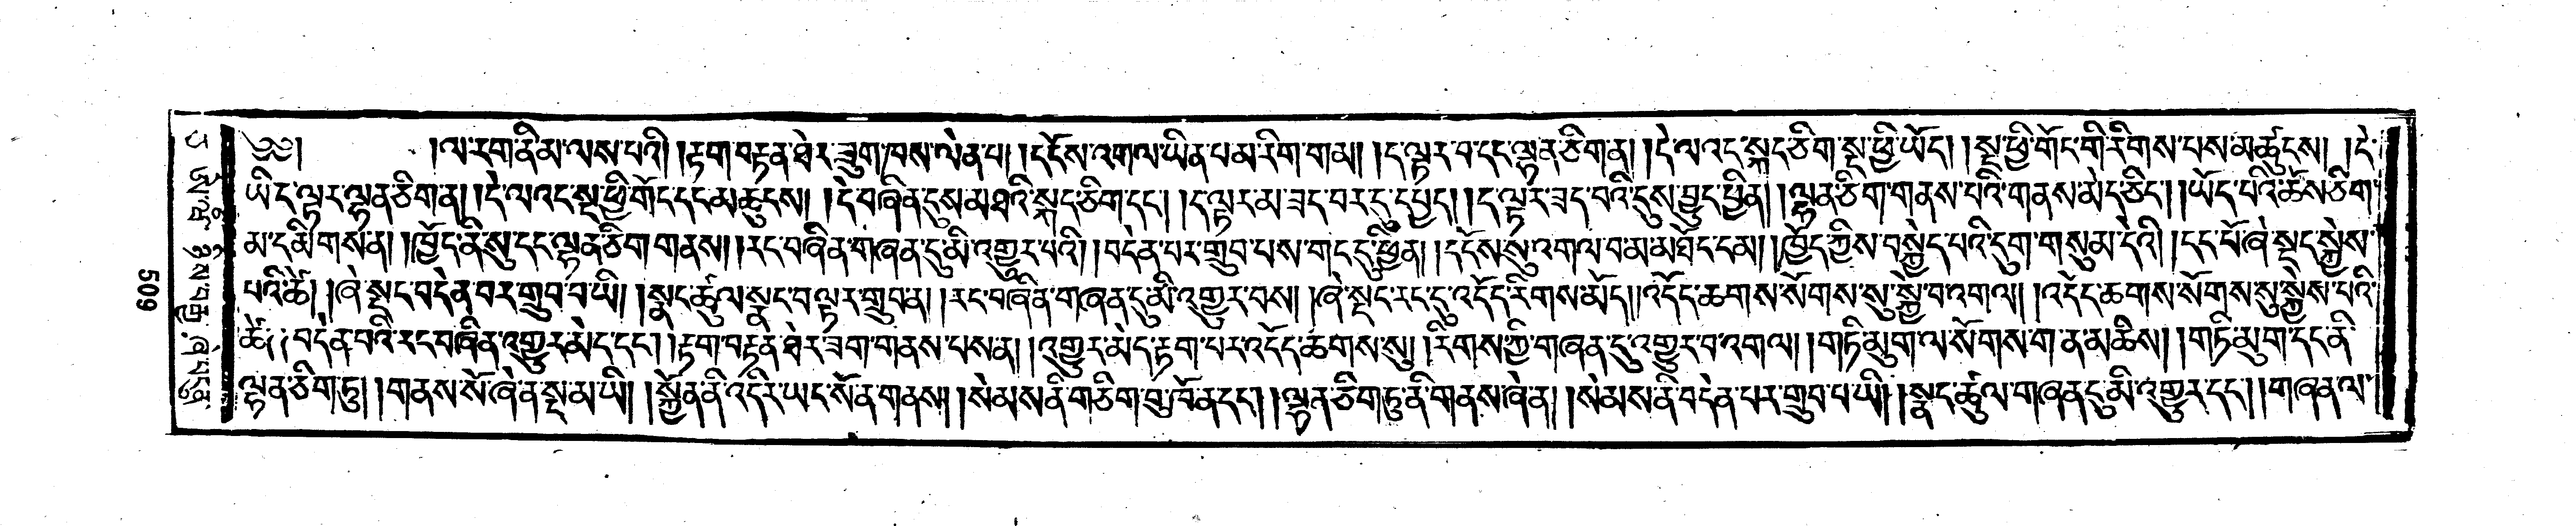༄༅། །ལ་རག་ནི་མ་ལས་པའི། །རྟག་བརྟན་ཐེར་ཟུག་ཁས་ལེན་པ། །དངོས་འགལ་ཡིན་པ་མ་རིག་གམ། །ད་ལྟར་བ་དང་ལྷན་ཅིག་ན། །དེ་ལའང་སྐད་ཅིག་སྔ་ཕྱི་ཡོད། །སྔ་ཕྱི་གོང་གི་རིགས་པས་མཚུངས། །དེ་
ཡི་ང་ལྟར་ལྷན་ཅིག་ན། །དེ་ལའང་སྔ་ཕྱི་གོང་དང་མཚུངས། །དེ་བཞིན་དུས་མཐའི་སྐད་ཅིག་དང་། །ད་ལྟར་མ་ཟད་བར་དུ་དཔྱད། །ད་ལྟར་ཟད་པའི་དུས་བྱུང་ཕྱིན། །ལྷན་ཅིག་གནས་པའི་གནས་མེད་ཅིང་། །ཡོད་པའི་ཆོས་ཅིག་
མ་དམིགས་ན། །ཁྱོད་ནི་སུ་དང་ལྷན་ཅིག་གནས། །རང་བཞིན་གཞན་དུ་མི་འགྱུར་བའི། །བདེན་པར་གྲུབ་པས་གང་དུ་ཕྱིན། །དངོས་སུ་འགལ་བ་མ་མཐོང་ངམ། །ཁྱོད་ཀྱིས་བསྐྱེད་པའི་དུག་གསུམ་དེའི། །དང་པོ་ཞེ་སྡང་སྐྱེས་
པའི་ཚེ། །ཞེ་སྡང་བདེན་པར་གྲུབ་པ་ཡི། །སྣང་ཚུལ་སྣང་བ་ལྟར་གྲུབ་ན། །རང་བཞིན་གཞན་དུ་མི་འགྱུར་བས། །ཞེ་སྡང་རང་དུ་འདོད་རིགས་མོད། །འདོད་ཆགས་སོགས་སུ་སྐྱེ་བ་འགལ། །འདོད་ཆགས་སོགས་སུ་སྐྱེས་པའི་
ཚེ༑ ༑བདེན་པའི་རང་བཞིན་འགྱུར་མེད་དང་། །རྟག་བརྟན་ཐེར་ཟུག་གནས་པས་ན། །འགྱུར་མེད་རྟག་པར་འདོད་ཆགས་སུ། །རིགས་ཀྱི་གཞན་དུ་འགྱུར་བ་འགལ། །གཏི་མུག་ལ་སོགས་ག་ན་མཆིས། །གཏི་མུག་དང་ནི་
ལྷང་ཅིག་ཏུ། །གནས་སོ་ཞེ་ན་སྔ་མ་ཡི། །སྐྱོན་ནི་འདིར་ཡང་སོ་ན་གནས། །སེམས་ནི་གཅིག་པུ་ཁོ་ན་དང་། །ལྷན་ཅིག་ཏུ་ནི་གནས་ཞེ་ན། །སེམས་ནི་བདེན་པར་གྲུབ་པ་ཡི། །སྣང་ཚུལ་གཞན་དུ་མི་འགྱུར་དང་། །གཞན་ལ་